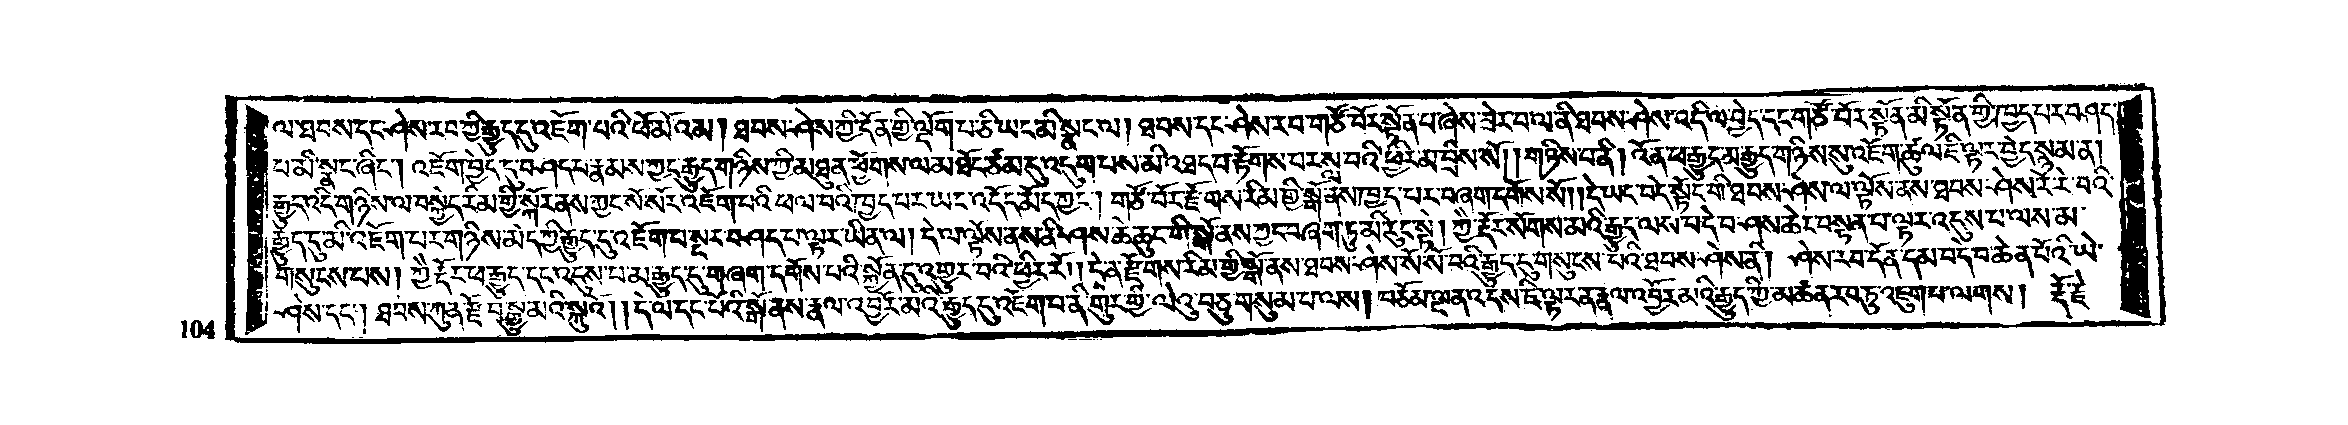ལ་ཐབས་དང་ཤེས་རབ་ཀྱི་རྒྱུད་དུ་འཇོག་པའི་ཕོ་མོ་འམ། ཐབས་ཤེས་ཀྱི་དོན་གྱི་ལྡོག་པ་ཅི་ཡང་མི་སྣང་ལ། ཐབས་དང་ཤེས་རབ་གཙོ་བོར་སྟོན་པ་ཞེས་ཟེར་བ་ལ་ནི་ཐབས་ཤེས་འདི་ལ་བྱེད་དང་གཙོ་བོར་སྟོན་མི་སྟོན་གྱི་ཁྱད་པར་བཤད་
པ་མི་སྣང་ཞིང་། འཇོག་བྱེད་དུ་བཤད་པ་རྣམས་ཀྱང་རྒྱུད་གཉིས་ཀྱི་མཐུན་ཕྱོགས་ལ་མཐོང་ཙམ་དུ་འདུག་པས་མི་འཐད་པ་རྟོགས་པར་སླ་བའི་ཕྱིར་མ་བྲིས་སོ། །གཉིས་པ་ནི། འོ་ན་ཕ་རྒྱུད་མ་རྒྱུད་གཉིས་སུ་འཇོག་ཚུལ་ཇི་ལྟར་བྱེད་སྙམ་ན།
རྒྱུད་འདི་གཉིས་ལ་བསྐྱེད་རིམ་གྱི་སྐོར་ནས་ཀྱང་སོ་སོར་འཇོག་པའི་ཕལ་བའི་ཁྱད་པར་ཡང་འདོད་མོད་ཀྱང་། གཙོ་བོར་རྫོགས་རིམ་གྱི་སྒོ་ནས་ཁྱད་པར་བཞག་དགོས་སོ། །དེ་ཡང་བདེ་སྟོང་གི་ཐབས་ཤེས་ལ་ལྟོས་ནས་ཐབས་ཤེས་རེ་རེ་བའི་
རྒྱུད་དུ་མི་འཇོག་པར་གཉིས་མེད་ཀྱི་རྒྱུད་དུ་འཇོག་པ་སྔར་བཤད་པ་ལྟར་ཡིན་ལ། དེ་ལ་ལྟོས་ནས་ནི་ཤས་ཆེ་ཆུང་གི་སྒོ་ནས་ཀྱང་བཞག་ཏུ་མི་རུང་སྟེ། ཀྱཻ་རྡོར་སོགས་མའི་རྒྱུད་ལས་བདེ་བ་ཤས་ཆེར་བསྟན་པ་ལྟར་འདུས་པ་ལས་མ་
གསུངས་པས། ཀྱཻ་རྡོར་ཕ་རྒྱུད་དང་འདུས་པ་མ་རྒྱུད་དུ་གཞག་དགོས་པའི་སྐྱོན་དུ་འགྱུར་བའི་ཕྱིར་རོ། །དེ་ན་རྫོགས་རིམ་གྱི་སྒོ་ནས་ཐབས་ཤེས་སོ་སོ་བའི་རྒྱུད་དུ་གསུངས་པའི་ཐབས་ཤེས་ནི། ཤེས་རབ་དོན་དམ་བདེ་བ་ཆེན་པོའི་ཡེ་
ཤེས་དང་། ཐབས་ཀུན་རྫོབ་སྒྱུ་མའི་སྐུའོ། །དེ་ལ་དང་པོའི་སྒོ་ནས་རྣལ་འབྱོར་མའི་རྒྱུད་དུ་འཇོག་པ་ནི་གུར་གྱི་ལེའུ་བཅུ་གསུམ་པ་ལས། བཅོམ་ལྡན་འདས་ཇི་ལྟར་ན་རྣལ་འབྱོར་མའི་རྒྱུད་ཀྱི་མཚན་རབ་ཏུ་འཇུག་པ་ལགས། རྡོ་རྗེ་